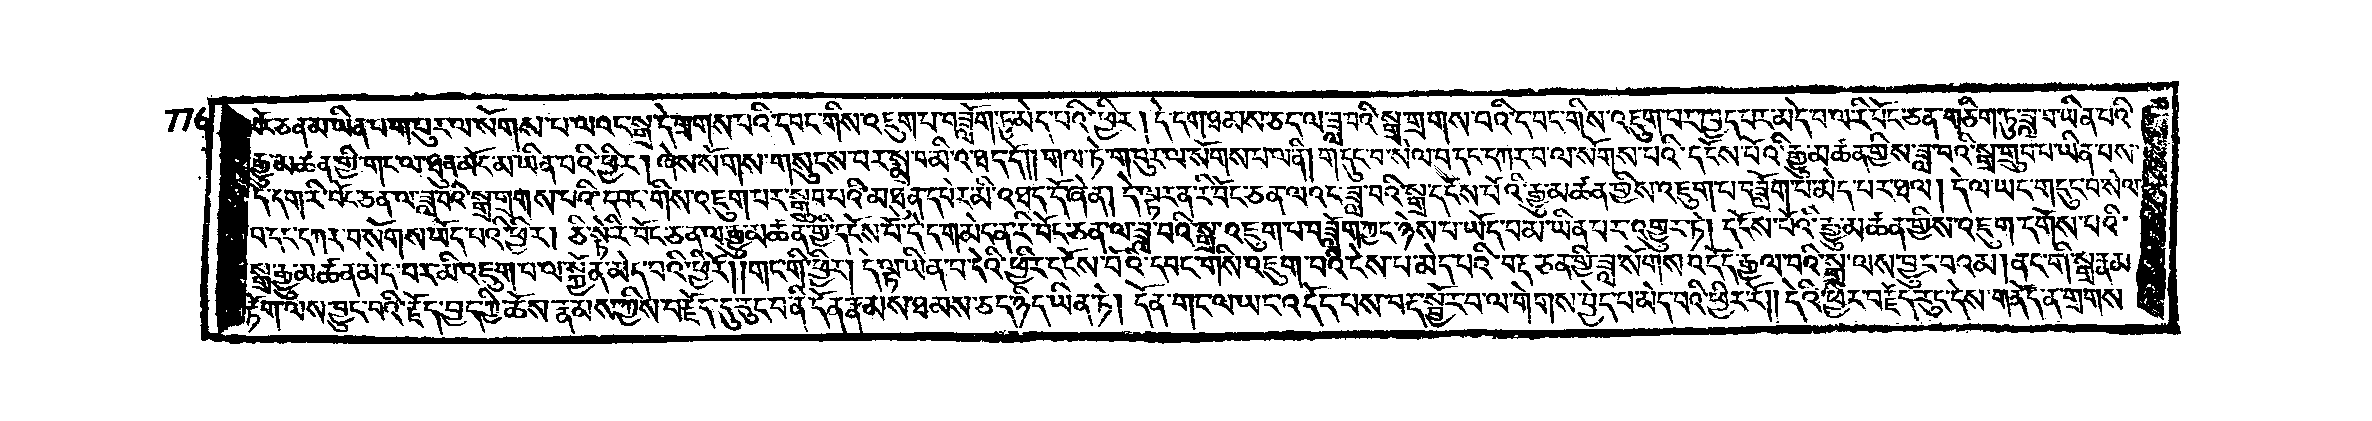བོང་ཅན་མ་ཡིན་པ་ག་བུར་ལ་སོགས་པ་ལའང་སྒྲ་དེ་གྲགས་པའི་དབང་གིས་འཇུག་པ་བཟློག་ཏུ་མེད་པའི་ཕྱིར། དེ་དག་ཐམས་ཅད་ལ་ཟླ་བའི་སྒྲ་གྲགས་པའི་དབང་གིས་འཇུག་པར་ཁྱད་པར་མེད་པ་ལ་རི་བོང་ཅན་གཅིག་ཏུ་ཟླ་བ་ཡིན་པའི་
རྒྱུ་མཚན་གྱི་གང་ལ་ཐུན་མོང་མ་ཡིན་པའི་ཕྱིར། ཞེས་སོགས་གསུངས་པར་སྨྲ་བ་མི་འཐད་དོ། །གལ་ཏེ་ག་བུར་ལ་སོགས་པ་ལ་ནི། གདུང་བ་སེལ་བ་དང་དཀར་བ་ལ་སོགས་པའི་དངོས་པོའི་རྒྱུ་མཚན་གྱིས་ཟླ་བའི་སྒྲ་གྲུབ་པ་ཡིན་པས་
དེ་དག་རི་བོང་ཅན་ལ་ཟླ་བའི་སྒྲ་གྲགས་པའི་དབང་གིས་འཇུག་པར་སྒྲུབ་པའི་མཐུན་དཔེར་མི་འཐད་དོ་ཞེ་ན། དེ་ལྟར་ན་རི་བོང་ཅན་ལའང་ཟླ་བའི་སྒྲ་དངོས་པོའི་རྒྱུ་མཚན་གྱིས་འཇུག་པ་བཟློག་པ་མེད་པར་ཐལ། དེ་ལ་ཡང་གདུང་བ་སེལ་
བ་དང་དཀར་བ་སོགས་ཡོད་པའི་ཕྱིར། ཅི་སྟེ་རི་བོང་ཅན་ལ་རྒྱུ་མཚན་གྱི་དངོས་པོ་དེ་དག་མེད་ན་རི་བོང་ཅན་ལ་ཟླ་བའི་སྒྲ་འཇུག་པ་བཟློག་ཀྱང་ཉེས་པ་ཡོད་པ་མ་ཡིན་པར་འགྱུར་ཏེ། དངོས་པོའི་རྒྱུ་མཚན་གྱིས་འཇུག་དགོས་པའི་
སྒྲ་རྒྱུ་མཚན་མེད་པར་མི་འཇུག་པ་ལ་སྐྱོན་མེད་པའི་ཕྱིར་རོ། །གང་གི་ཕྱིར། དེ་ལྟ་ཡིན་པ་དེའི་ཕྱིར་དངོས་པོའི་དབང་གིས་འཇུག་པའི་ངེས་པ་མེད་པའི་བརྡ་ཅན་གྱི་ཟླ་སོགས་འདོད་རྒྱལ་བའི་སྒྲ་ལས་བྱུང་བའམ། ནང་གི་སྒྲ་རྣམ་
རྟོག་ལས་བྱུང་བའི་རྗོད་བྱེད་ཀྱི་ཆོས་རྣམས་ཀྱིས་བརྗོད་དུ་རུང་བ་ནི་དོན་རྣམས་ཐམས་ཅད་ཉིད་ཡིན་ཏེ། དོན་གང་ལ་ཡང་འདོད་པས་བརྡ་སྦྱོར་བ་ལ་གེགས་བྱེད་པ་མེད་པའི་ཕྱིར་རོ། །དེའི་ཕྱིར་བརྗོད་རུང་དེས་གནོད་ན་གྲགས་